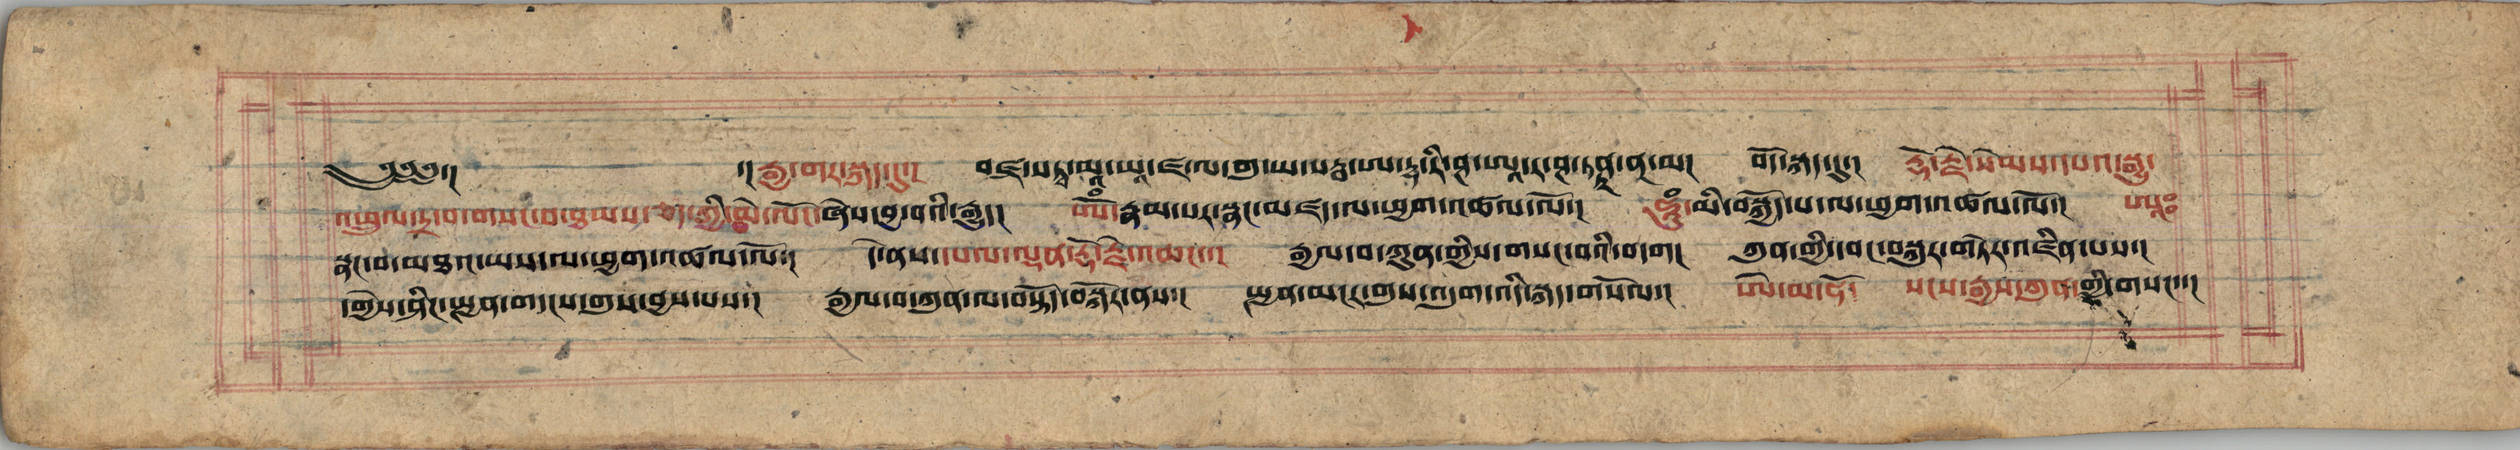༄༅༅་། ་།རྒྱ་གར་སྐད་དུ་། བཛྲ་སཏྭ་མཱ་ཡཱ་ཛ་ལ་གུ་ཡ་སརྦ་ཨ་དྷ་རི་ཤ་ཨཱ་ར་ཤ་ཏནྟ་ནཱ་མ། བོད་སྐད་དུ་། རྡོ་རྗེ་སེམས་དཔའ་སྒྱུ་
འཕྲུལ་དྲ་བ་གསང་བ་ཐམས་ཅད་ཀྱི་མེ་ལོང་ཞེས་བྱ་བའི་རྒྱུད། ཨོཾ་རྣམ་པར་སྣང་མཛད་ལ་ཕྱག་འཚལ་ལོ་། ཧཱུཾ་མི་བསྐྱོད་པ་ལ་ཕྱག་འཚལ་ལོ་། ཨཱཿ
སྣང་བ་མཐའ་ཡས་ལ་ཕྱག་འཚལ་ལོ་། དེ་ནས་དཔལ་ལྡན་རྡོ་རྗེ་འཆང་་། རྒྱལ་བ་ཀུན་གྱིས་གསང་བའི་བདག། ཀུན་གྱི་དབང་བསྐུར་གཏེར་འཛིན་པས་།
དགྱེས་ཤིང་སྤྱན་གདངས་གུས་བྱས་པས་། རྒྱལ་བ་ཀུན་ལ་བསྟོད་བསྐོར་ནས་། སྤྱན་མངར་གུས་འདུག་འདི་སྐད་གསོལ་། ཨེ་མ་ཧོ། སངས་རྒྱས་ཀུན་གྱི་གསང་་།